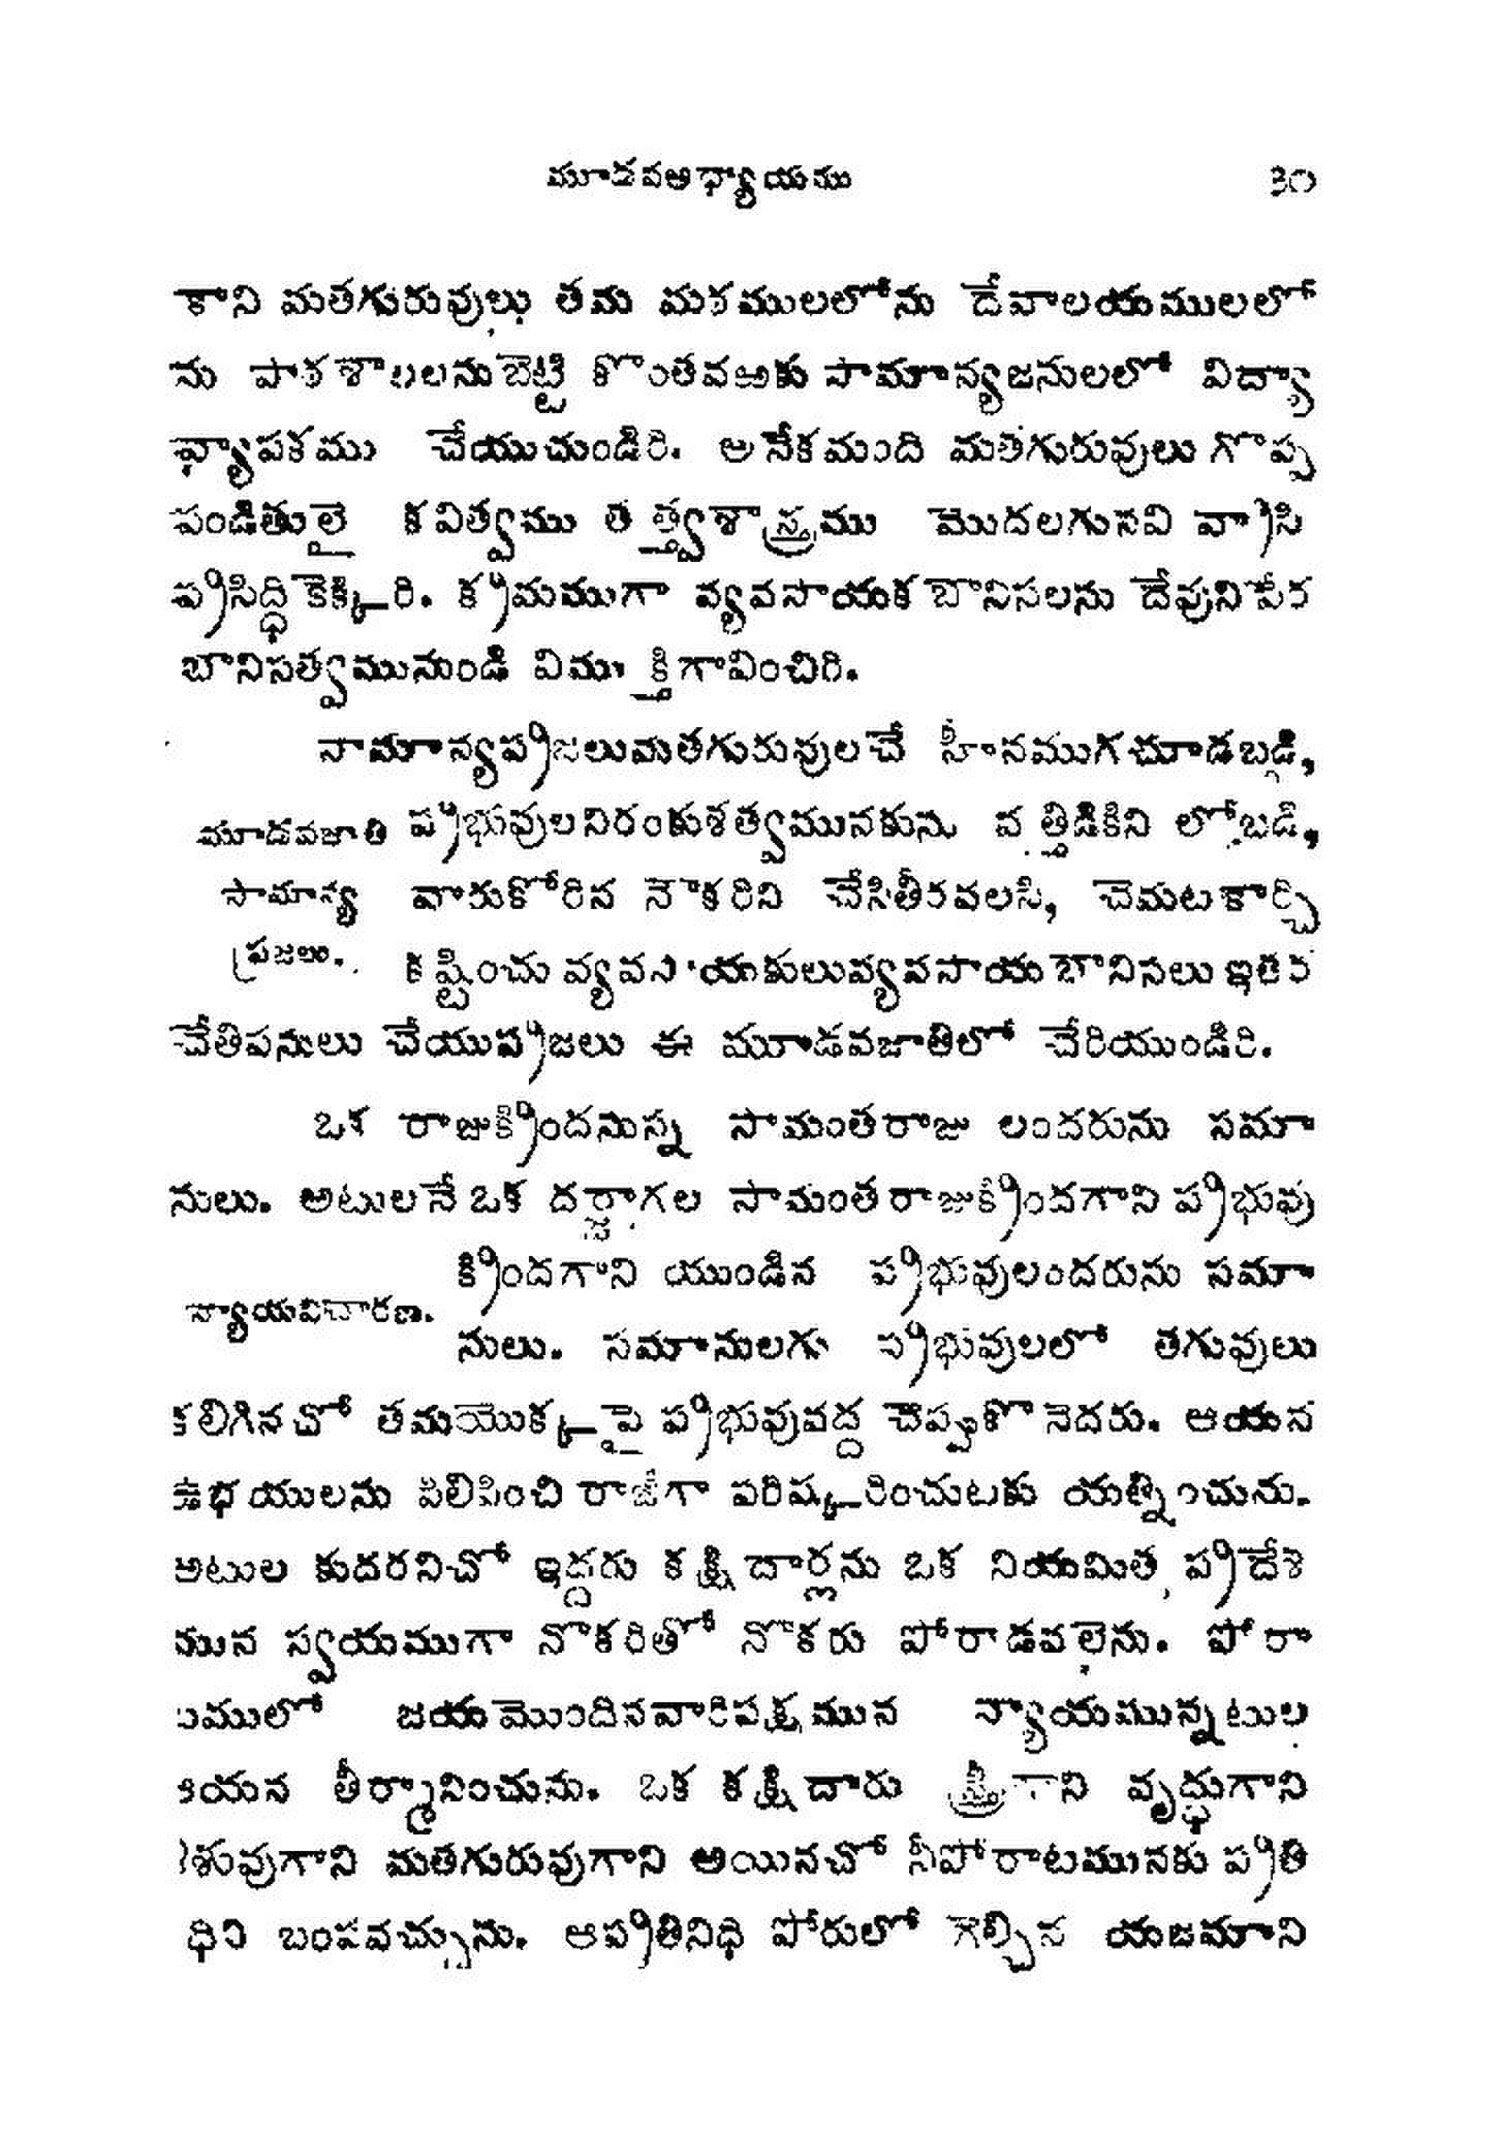కాని మతగురువులు తమ మఠములలోను దేవాలయములలో
ను పాఠశాలలను బెట్టి గొంతవఱకు సామాన్య జనులలో విద్యా
వ్యాపకము చేయుచుండిరి. అనేకమంది మగురువులు గొప్ప
పండితులై కవిత్వము తత్వశాస్త్రము మొదలగునవి వ్రాసి
ప్రసిద్ధి కెక్కిరి. క్రమముగా వ్యవసాయక బానిసలను దేవుని పేర
బానిసత్వమునుండి విముక్తి గావించిరి.

సామాన్య ప్రజలు మతగురువులచే హీనముగ చూడబడి,
ప్రభువుల నిరంకుశత్వమునకును వత్తిడికిని లోబడి,
వారుకోరిన నౌకరిని చేసి తీరవలసి, చెమట కార్చి
కష్టించు వ్యవసాయకులు వ్యవసాయ బానిసలు ఇతర
చేతిపనులు చేయు ప్రజలు ఈ మూడవజాతిలో చేరియుండిరి.'

ఒక రాజు కిందనున్న సామంత రాజు లందరును సమా
నులు. అటులనే ఒక దర్భాగల సామంత రాజు కిందగాని ప్రభువు
కిందగాని యుండిన ప్రభువులందరును సమాసులు. 
సమానులగు ప్రభువులలో తగువులుకలిగిన చో 
తమ యొక్క పై ప్రభువువద్ద చెప్పుకొనెదరు. ఆయన
ఉభయులను పిలిపించి రాజీగా పరిష్కరించుటకు యత్నిం చును.
అటుల కుదరనిచో ఇద్దరు కక్షి దార్లను ఒక నియమిత ప్రదేశ
మున స్వయముగా నొకరితో నొకరు పోరాడవలెను. పోరా
ములో జయమొందినవారిపక్షమున న్యాయమున్న టుల
ఆయన తీర్మానించును. ఒక కక్షిదారు స్త్రీగాని వృద్ధుగాని
శిశువుగాని మతగురువుగాని అయినచో నీపోరాటమునకు ప్రతి
నిధిని బంపవచ్చును. ఆప్రతినిధి పోరులో గెల్చిన యజమాని